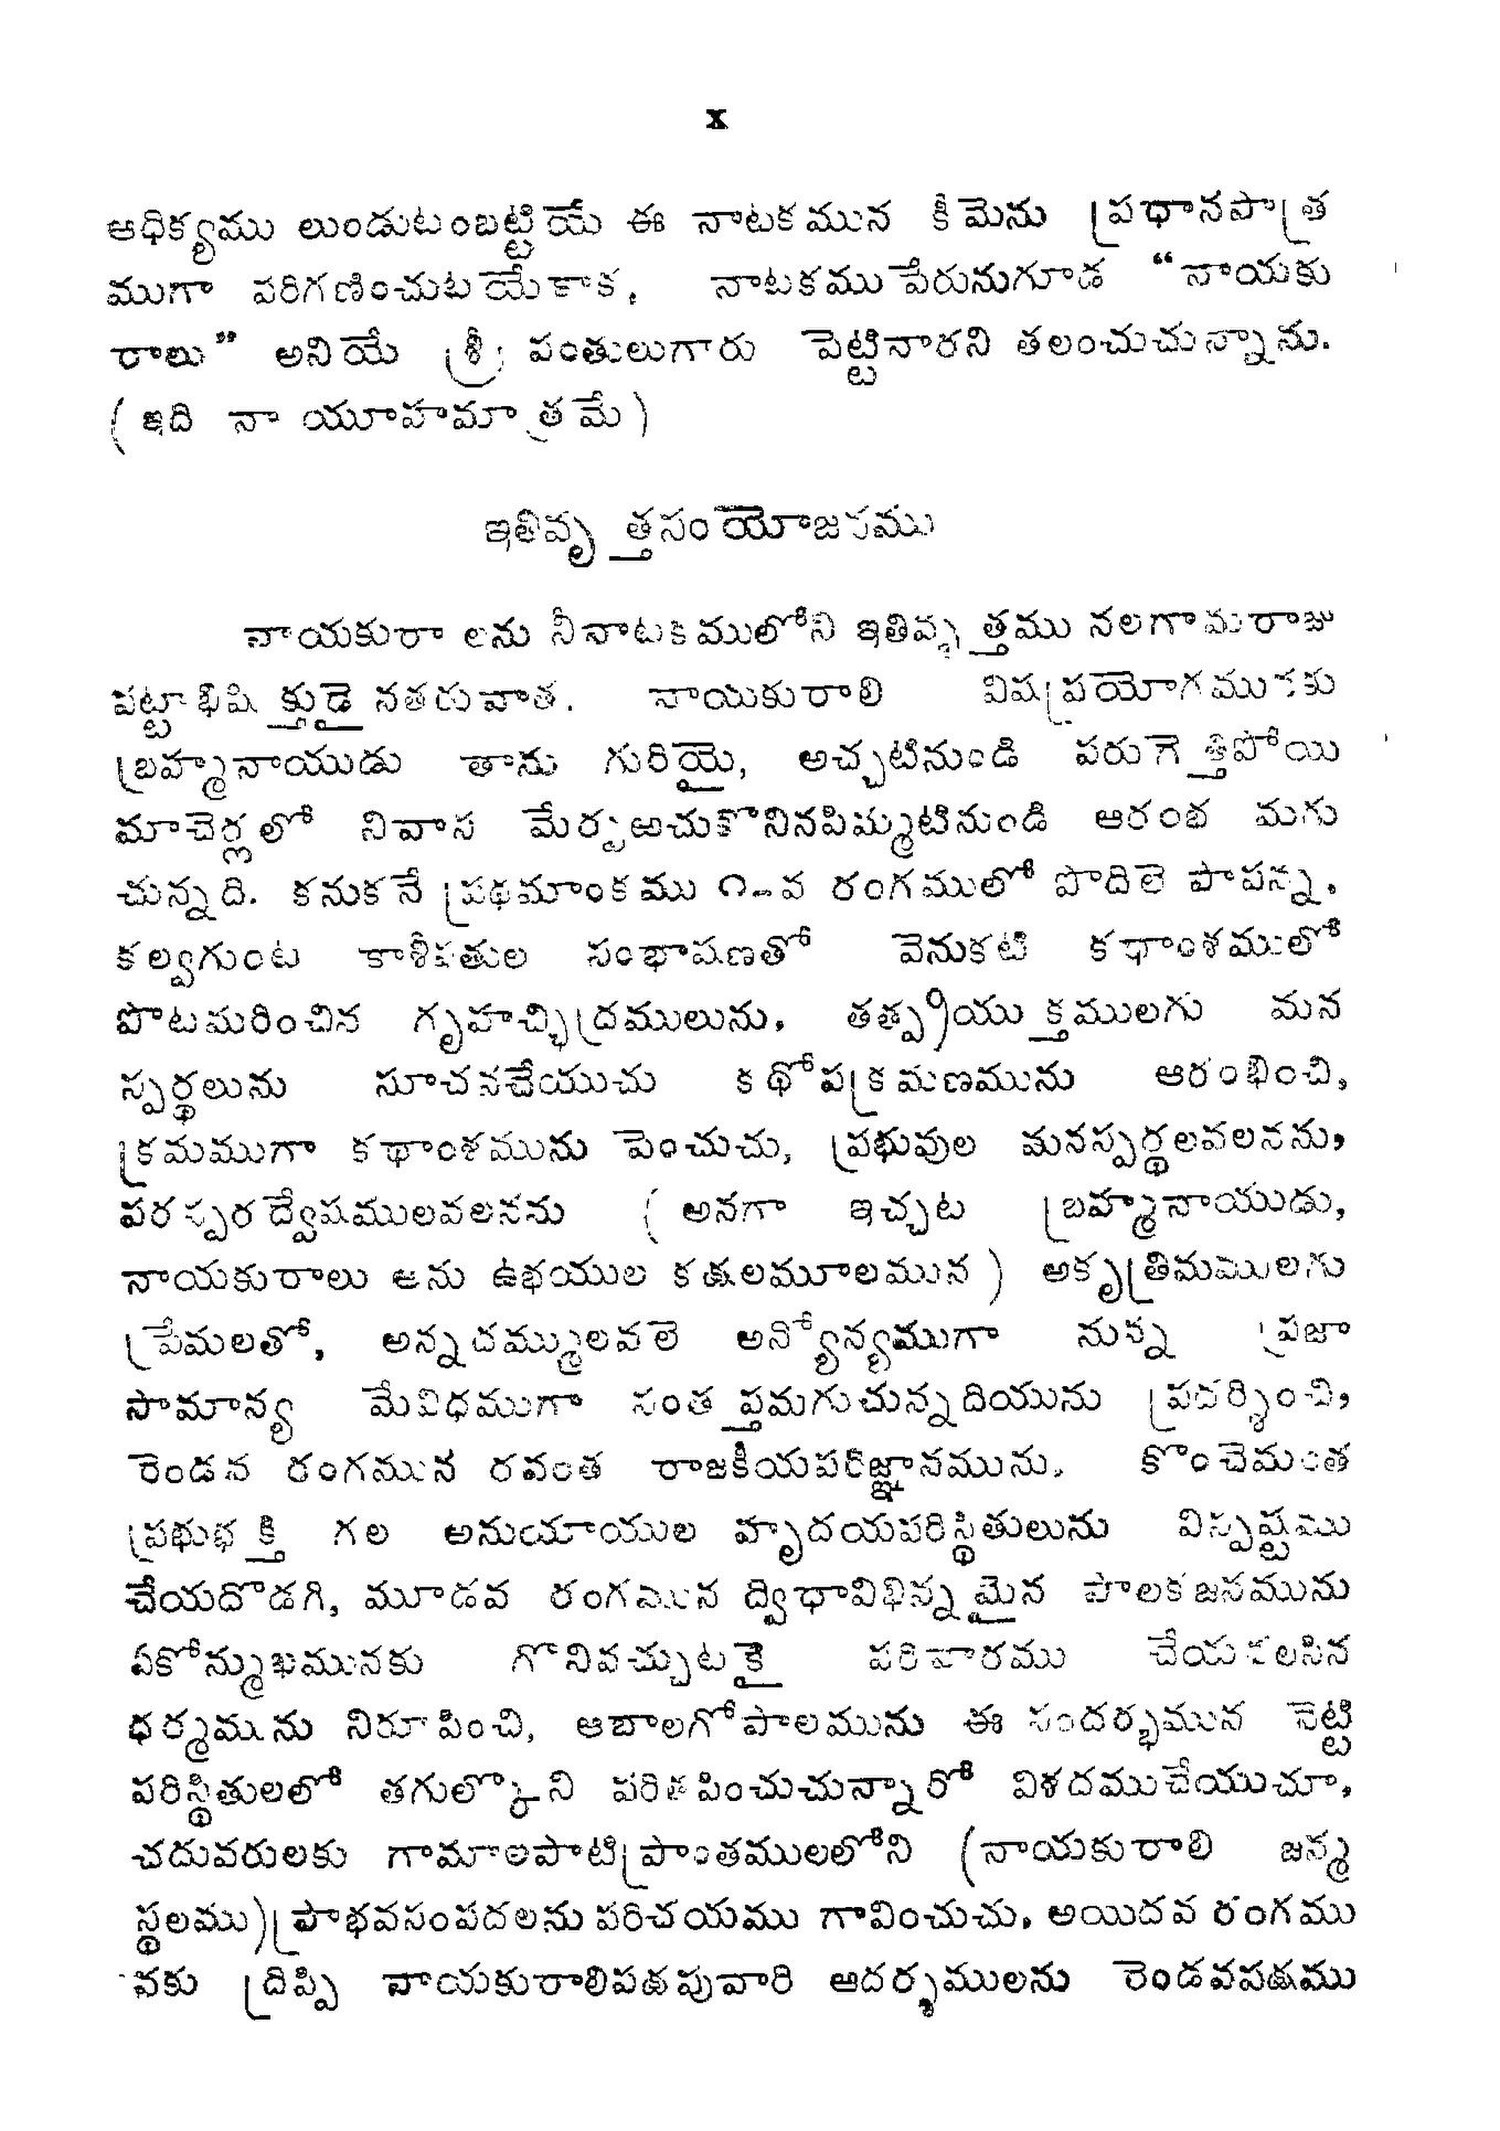ఆధిక్యము లుండుటంబట్టియే ఈ నాటకమున కీమెను ప్రధానపాత్రముగా పరిగణించుటయేకాక, నాటకముపేరునుగూడ “నాయకురాలు" అనియే శ్రీ పంతులుగారు పెట్టినారని తలంచుచున్నాను.
( ఇది నా యూహమాత్రమే )

నాయకురా లను నీనాటకములోని ఇతివృత్తము నలగామరాజు పట్టాభిషిక్తుడైనతరువాత, నాయకురాలి విషప్రయోగమునకు బ్రహ్మనాయుడు తాను గురియై, అచ్చటినుండి పరుగెత్తిపోయి
మాచెర్లలో నివాస మేర్పఱచుకొనినపిమ్మటినుండి ఆరంభ మగుచున్నది. కనుకనే ప్రథమాంకము 1-వ రంగములో పొదిలె పాపన్న, కల్వగుంట కాశీపతుల సంభాషణతో వెనుకటి కధాంశములో
పొటమరించిన గృహచ్ఛిద్రములును, తత్ప్రయుక్తములగు మనస్పర్థలును సూచనచేయుచు కథోపక్రమణమును ఆరంభించి, క్రమముగా కథాంశమును పెంచుచు, ప్రభువుల మనస్పర్థలవలనను,
పరస్పరద్వేషములవలనను ( అనగా ఇచ్చట బ్రహ్మనాయుడు, నాయకురాలు అను ఉభయుల కక్షలమూలమున ) అకృత్రిమములగు ప్రేమలతో, అన్నదమ్ములవలె అన్యోన్యముగా నున్న ప్రజాసామాన్య మేవిధముగా సంతప్తమగుచున్నదియును ప్రదర్శించి, రెండవ రంగమున రవంత రాజకీయపరిజ్ఞానమును,కొంచెమంత ప్రభుభక్తి గల అనుయాయుల హృదయపరిస్థితులును విస్పష్టము చేయదొడగి, మూడవ రంగమున ద్విధావిభిన్నమైన పాలకజనమును ఏకోన్ముఖమునకు గొనివచ్చుటకై పరివారము చేయవలసిన ధర్మమును నిరూపించి, ఆబాలగోపాలమును ఈ సందర్భమున నెట్టి పరిస్థితులలో తగుల్కొని పరితపించుచున్నారో విశదముచేయుచూ, చదువరులకు గ్రామాలపాటిప్రాంతములలోని (నాయకురాలి జన్మస్థలము) ప్రాభవసంపదలను పరిచయము గావించుచు, అయిదవ రంగమునకు ద్రిప్పి నాయకురాలిపక్షపువారి ఆదర్శములను రెండవపక్షము